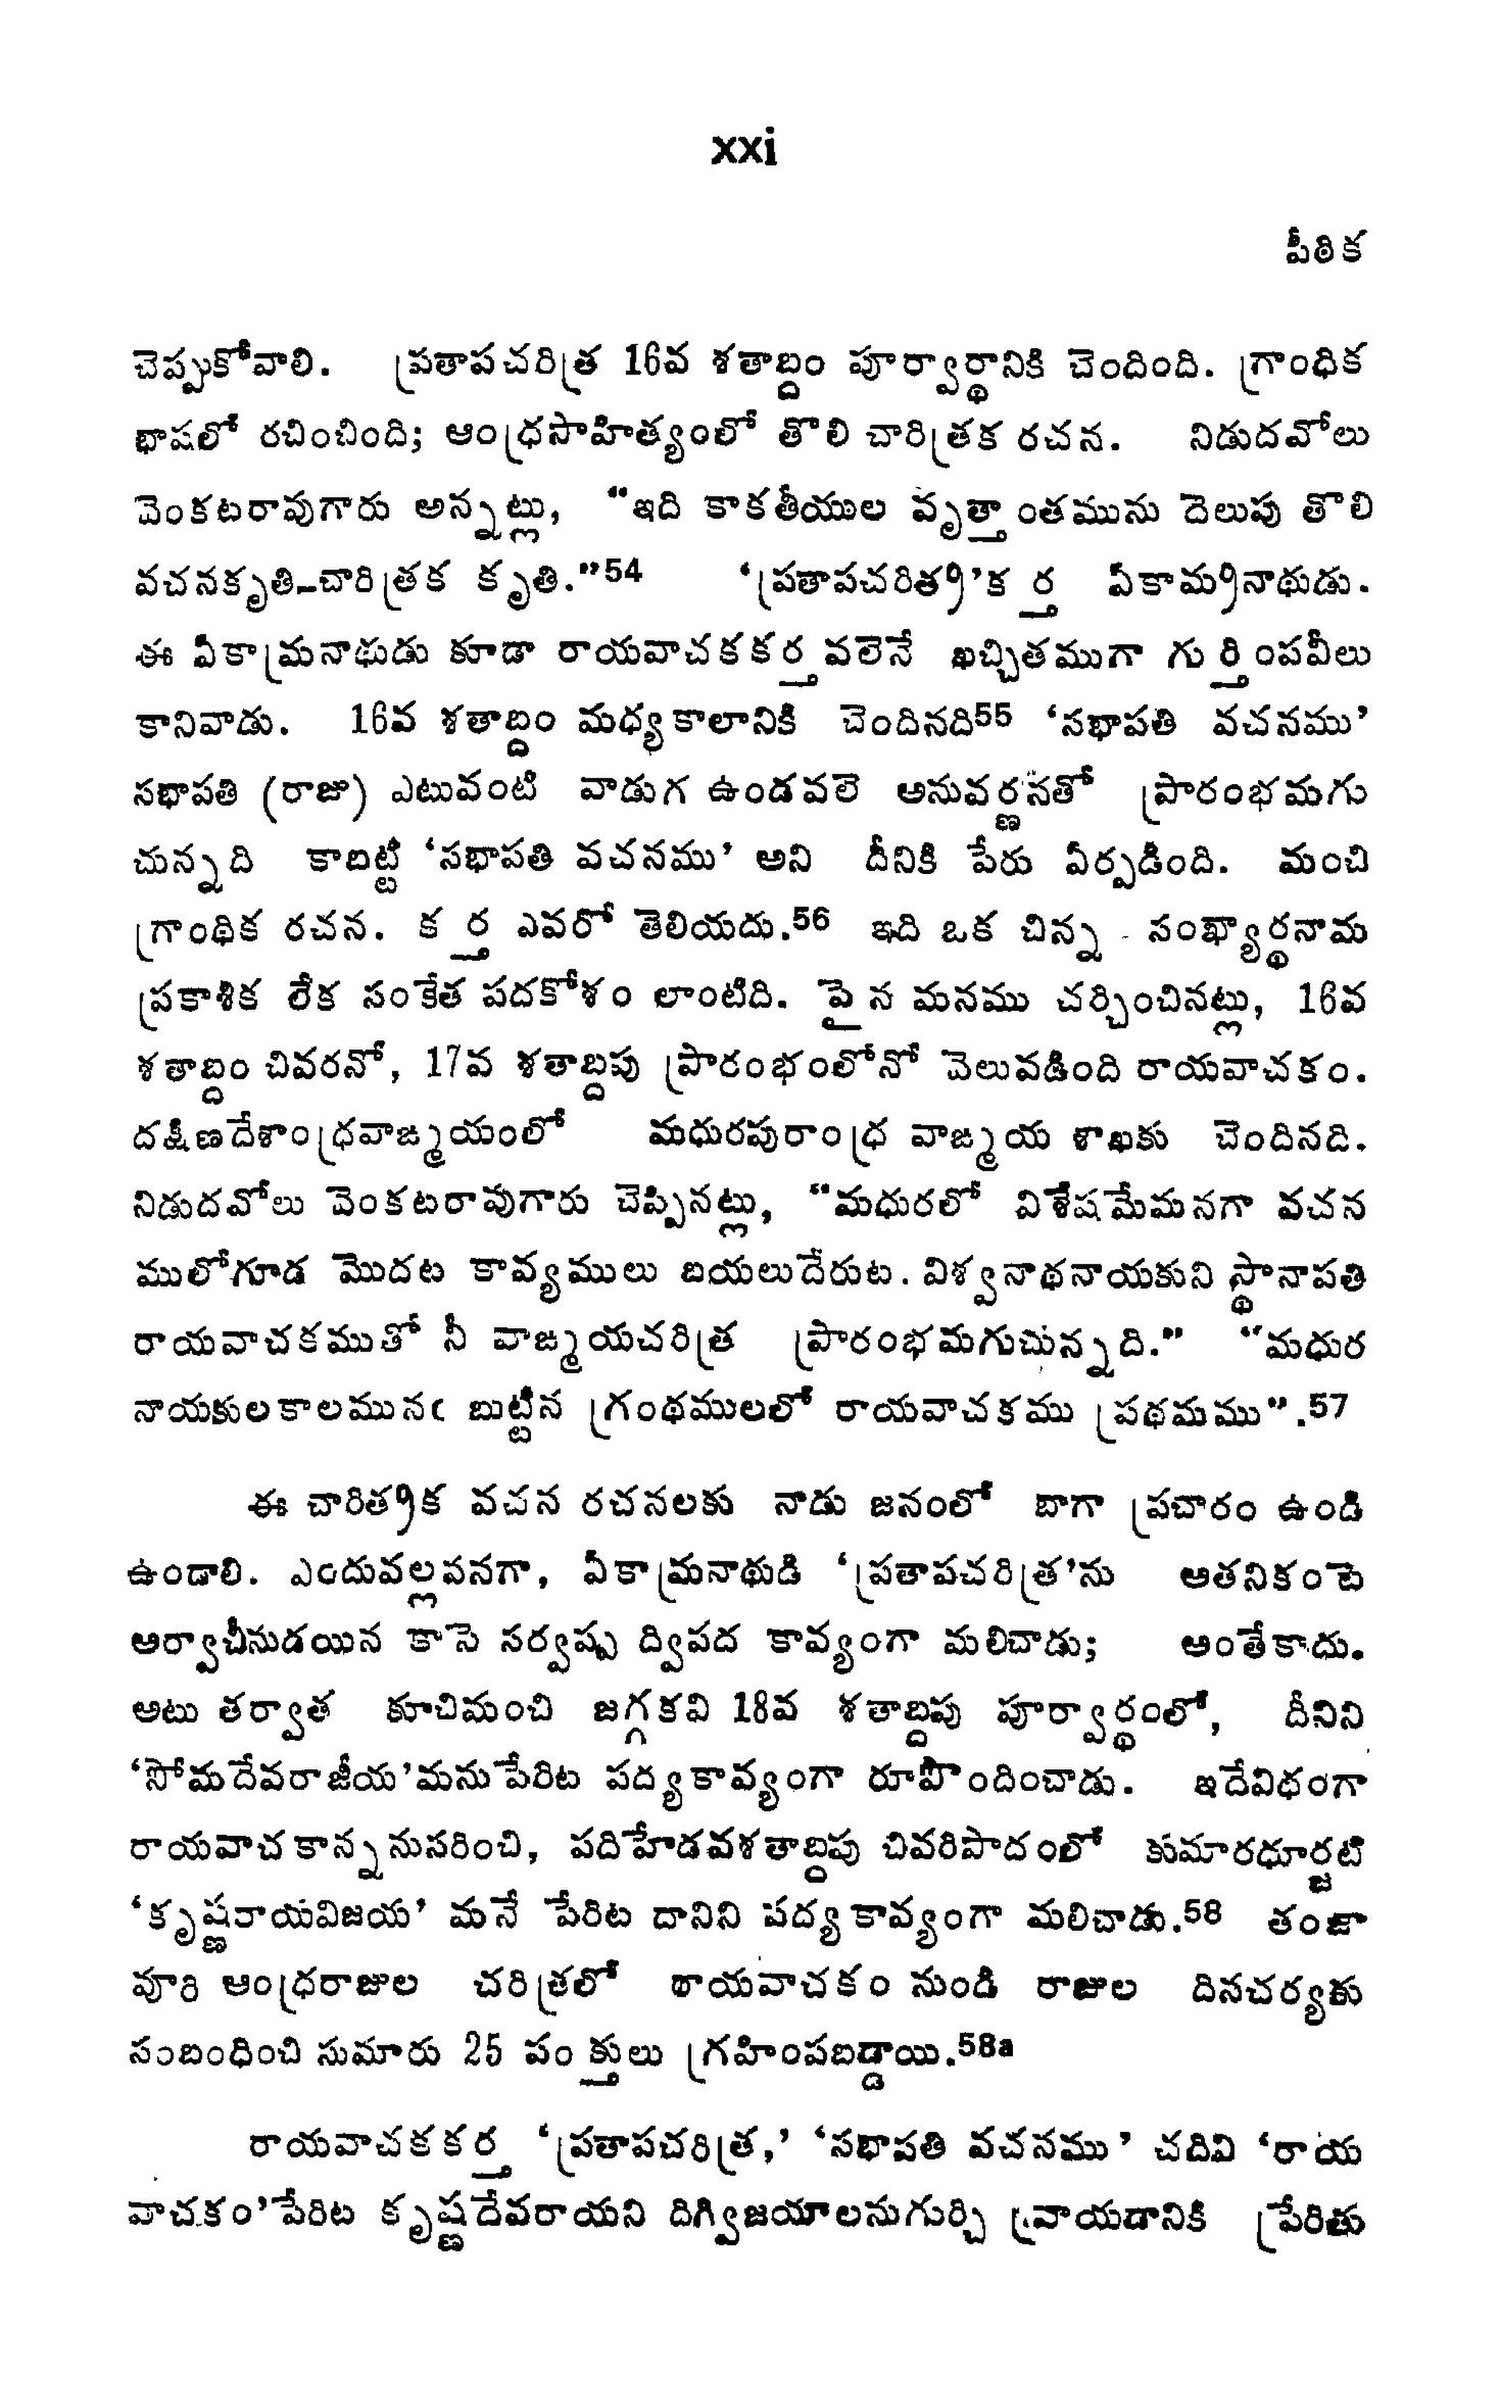చెప్పుకోవాలి. ప్రతాపచరిత్ర 16వ శతాబ్దం పూర్వార్థానికి చెందింది. గ్రాంథికభాషలో రచించింది; ఆంధ్రసాహిత్యంలో తొలి చారిత్రక రచన. నిడుదవోలు వెంకటరావుగారు అన్నట్లు, "ఇది కాకతీయుల వృత్తాంతమును దెలుపు తొలి వచనకృతి చారిత్రక కృతి." 'ప్రతాపచరిత్ర'కర్త ఏకామ్రనాథుడు. ఈ ఏకామ్రనాథుడు కూడా రాయవాచకకర్తవలెనే ఖచ్చితముగా గుర్తింప వీలు కానివాడు. 16వ శతాబ్దం మధ్యకాలానికి చెందినది 'సభాపతి వచనము' సభాపతి (రాజు) ఎటువంటివాడుగ ఉండవలె అనువర్ణనతో ప్రారంభమగు చున్నది కాబట్టి 'సభాపతి వచనము' అని దీనికి పేరు ఏర్పడింది. మంచి గ్రాంథిక రచన. కర్త ఎవరో తెలియదు. ఇది ఒక చిన్న సంఖ్యార్థనామప్రకాశిక లేక సంకేతపదకోశం లాంటిది. పైన మనము చర్చించినట్లు, 16వ శతాబ్దం చివరనో, 17వ శతాబ్దపు ప్రారంభం లోనో వెలువడింది రాయవాచకం. దక్షిణదేశాంధ్రవాఙ్మయంలో మధురాపురాంధ్రవాఙ్మయశాఖకు చెందినది. నిడుదవోలు వెంకటరావుగారు చెప్పినట్లు, “మధురలో విశేషమేమనగా వచనములోగూడ మొదట కావ్యములు బయలుదేరుట. విశ్వనాథ నాయకుని స్థానాపతి రాయవాచకముతో నీ వాఙ్మయచరిత్ర ప్రారంభమగుచున్నది." "మధుర నాయకులకాలమునఁ బుట్టిన గ్రంథములలో రాయవాచకము ప్రథమము".

ఈ చారిత్రక వచన రచనలకు నాడు జనంలో బాగా ప్రచారం ఉండి ఉండాలి. ఎందువల్లవనగా, ఏకామ్రనాథుడి 'ప్రతాపచరిత్ర'ను అతనికంటే అర్వాచీనుడయిన కాసె సర్వప్ప ద్విపదకావ్యంగా మలిచాడు; అంతేకాదు. అటు తర్వాత కూచిమంచి జగ్గకవి 18వ శతాబ్దపు పూర్వార్ధంలో, దీనిని ‘సోమదేవరాజీయ’ మనుపేరిట పద్యకావ్యంగా రూపొందించాడు. ఇదేవిధంగా రాయవాచకా న్ననుసరించి, పదిహేడవ శతాబ్దపు చివరిపాదంలో కుమారధూర్జటి 'కృష్ణరాయవిజయ' మనే పేరిట దానిని పద్యకావ్యంగా మలిచాడు. తంజావూరి ఆంధ్రరాజుల చరిత్రలో రాయవాచకం నుండి రాజుల దినచర్యకు సంబంధించి సుమారు 25 పంక్తులు గ్రహింపబడ్డాయి.

రాయవాచకకర్త 'ప్రతాపచరిత్ర,' 'సభాపతి వచనము' చదివి 'రాయవాచకం' పేరిట కృష్ణదేవరాయని దిగ్విజయాలను గుర్చి వ్రాయడానికి ప్రేరితు